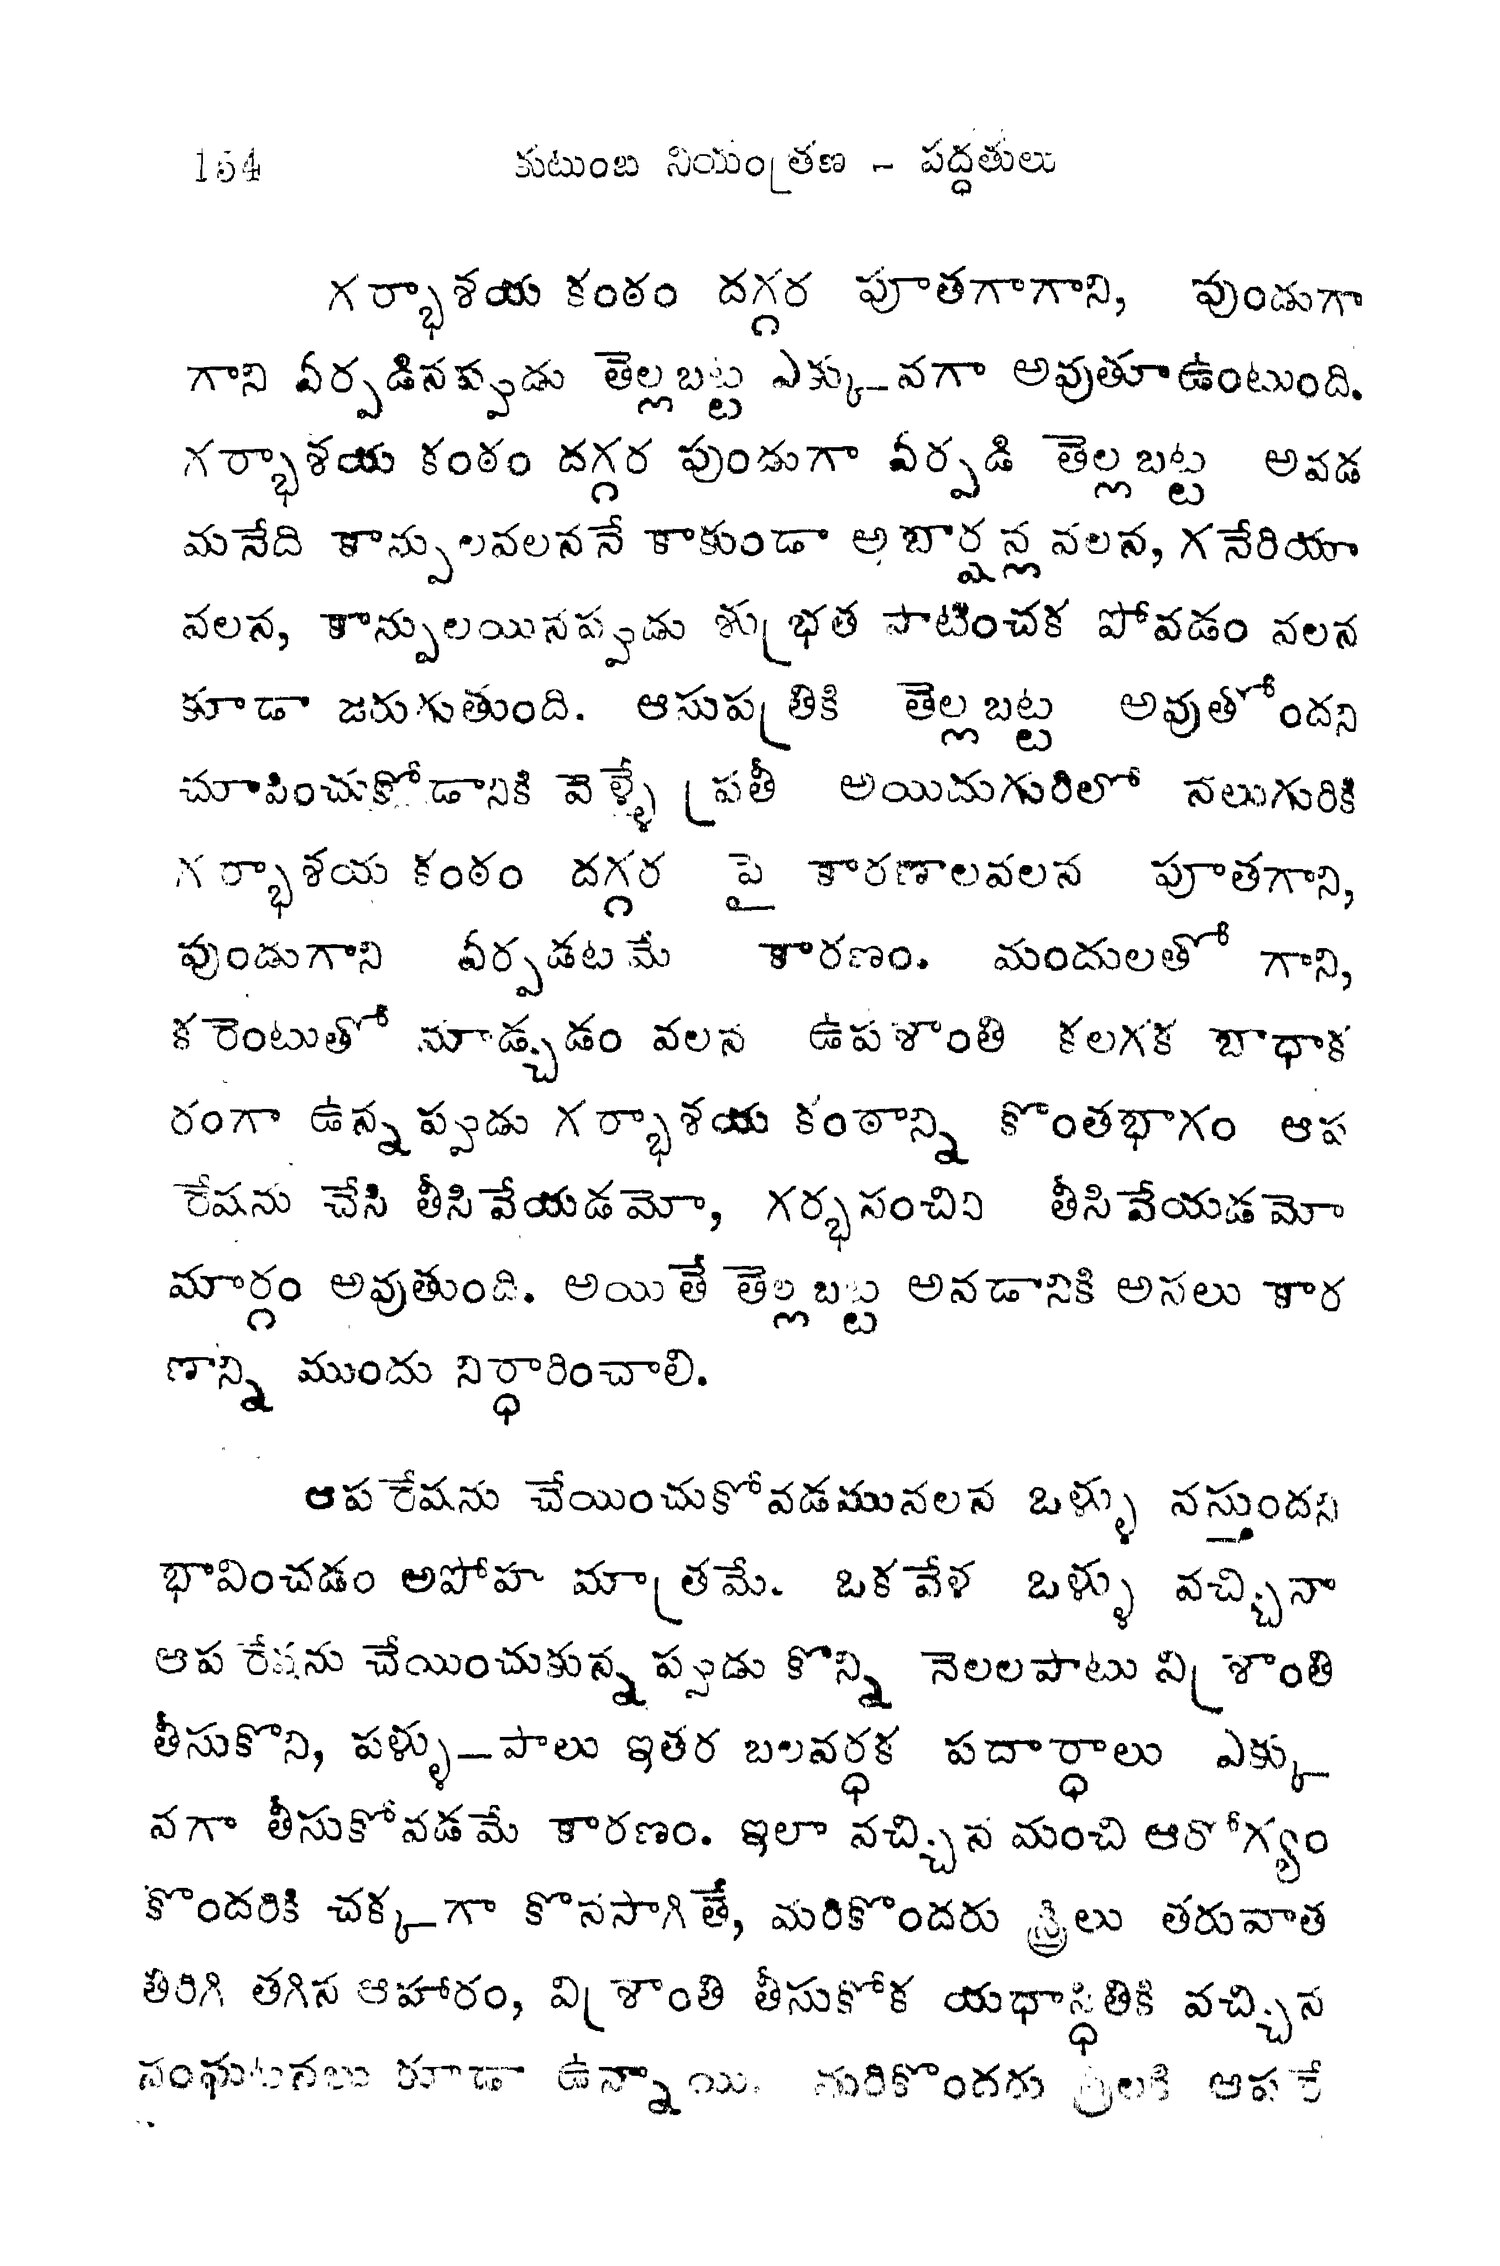గర్భాశయ కంఠం దగ్గర పూతగాగాని, పుండుగా గాని ఏర్పడినప్పుడు తెల్లబట్ట ఎక్కువగా అవుతూఉంటుంది. గర్భాశయ కంఠం దగ్గర పుండుగా ఏర్పడి తెల్లబట్ట అవడమనేది కాన్పులవలననే కాకుండా అబార్షన్ల వలన, గనేరియా వలన, కాన్పులయినప్పుడు శుభ్రత పాటించక పోవడం వలన కూడా జరుగుతుంది. ఆసుపత్రికి తెల్లబట్ట అవుతోందని చూపించుకోడానికి వెళ్ళే ప్రతీ అయిదుగురిలో నలుగురికి గర్భాశయ కంఠం దగ్గర పై కాణాలవలన పూతగాని, పుండుగాని ఏర్పడటమే కారణం. మందులతో గాని కరెంటుతో మాడ్చటం వలన ఉపశాంతి కలగక బాధాకరంగా ఉన్నప్పడు గర్భాశయ కంఠాన్ని కొంతభాగం ఆపరేషను చేసి తీసివేయడమో, గర్భసంచిని తీసివేయడమో మార్గం అవుతుంది. అయితే తెల్లబట్ట అవడానికి అసలుకారణాన్ని ముందు నిర్ధారించాలి.

ఆపరేషను చేయించుకోవడమువలన ఒళ్ళు వస్తుందని భావించడం ఆపోహ మాత్రమే, ఒకవేళ ఒళ్ళు వచ్చినా ఆపరేషను చేయించుకున్నప్పుడు కొన్ని నెలలపాటు విశ్రాంతి తీసుకొని, పళ్ళు - పాలు ఇతర బలవర్ధక పదార్ధాలు ఎక్కువగా తీసుకోవడమే కారణం. ఇలా వచ్చిన మంచి ఆరోగ్యం కొందరికి చక్కగా కొనసాగితే, మరికొందరు స్త్రీలు తరువాత తిరిగి తగిన ఆహారం, విశ్రాంతి తీసుకోక యధాస్థితికి వచ్చిన సంఘటనలు కూడా ఉన్నాయి. మరికొందరు స్త్రీలకి ఆపరే